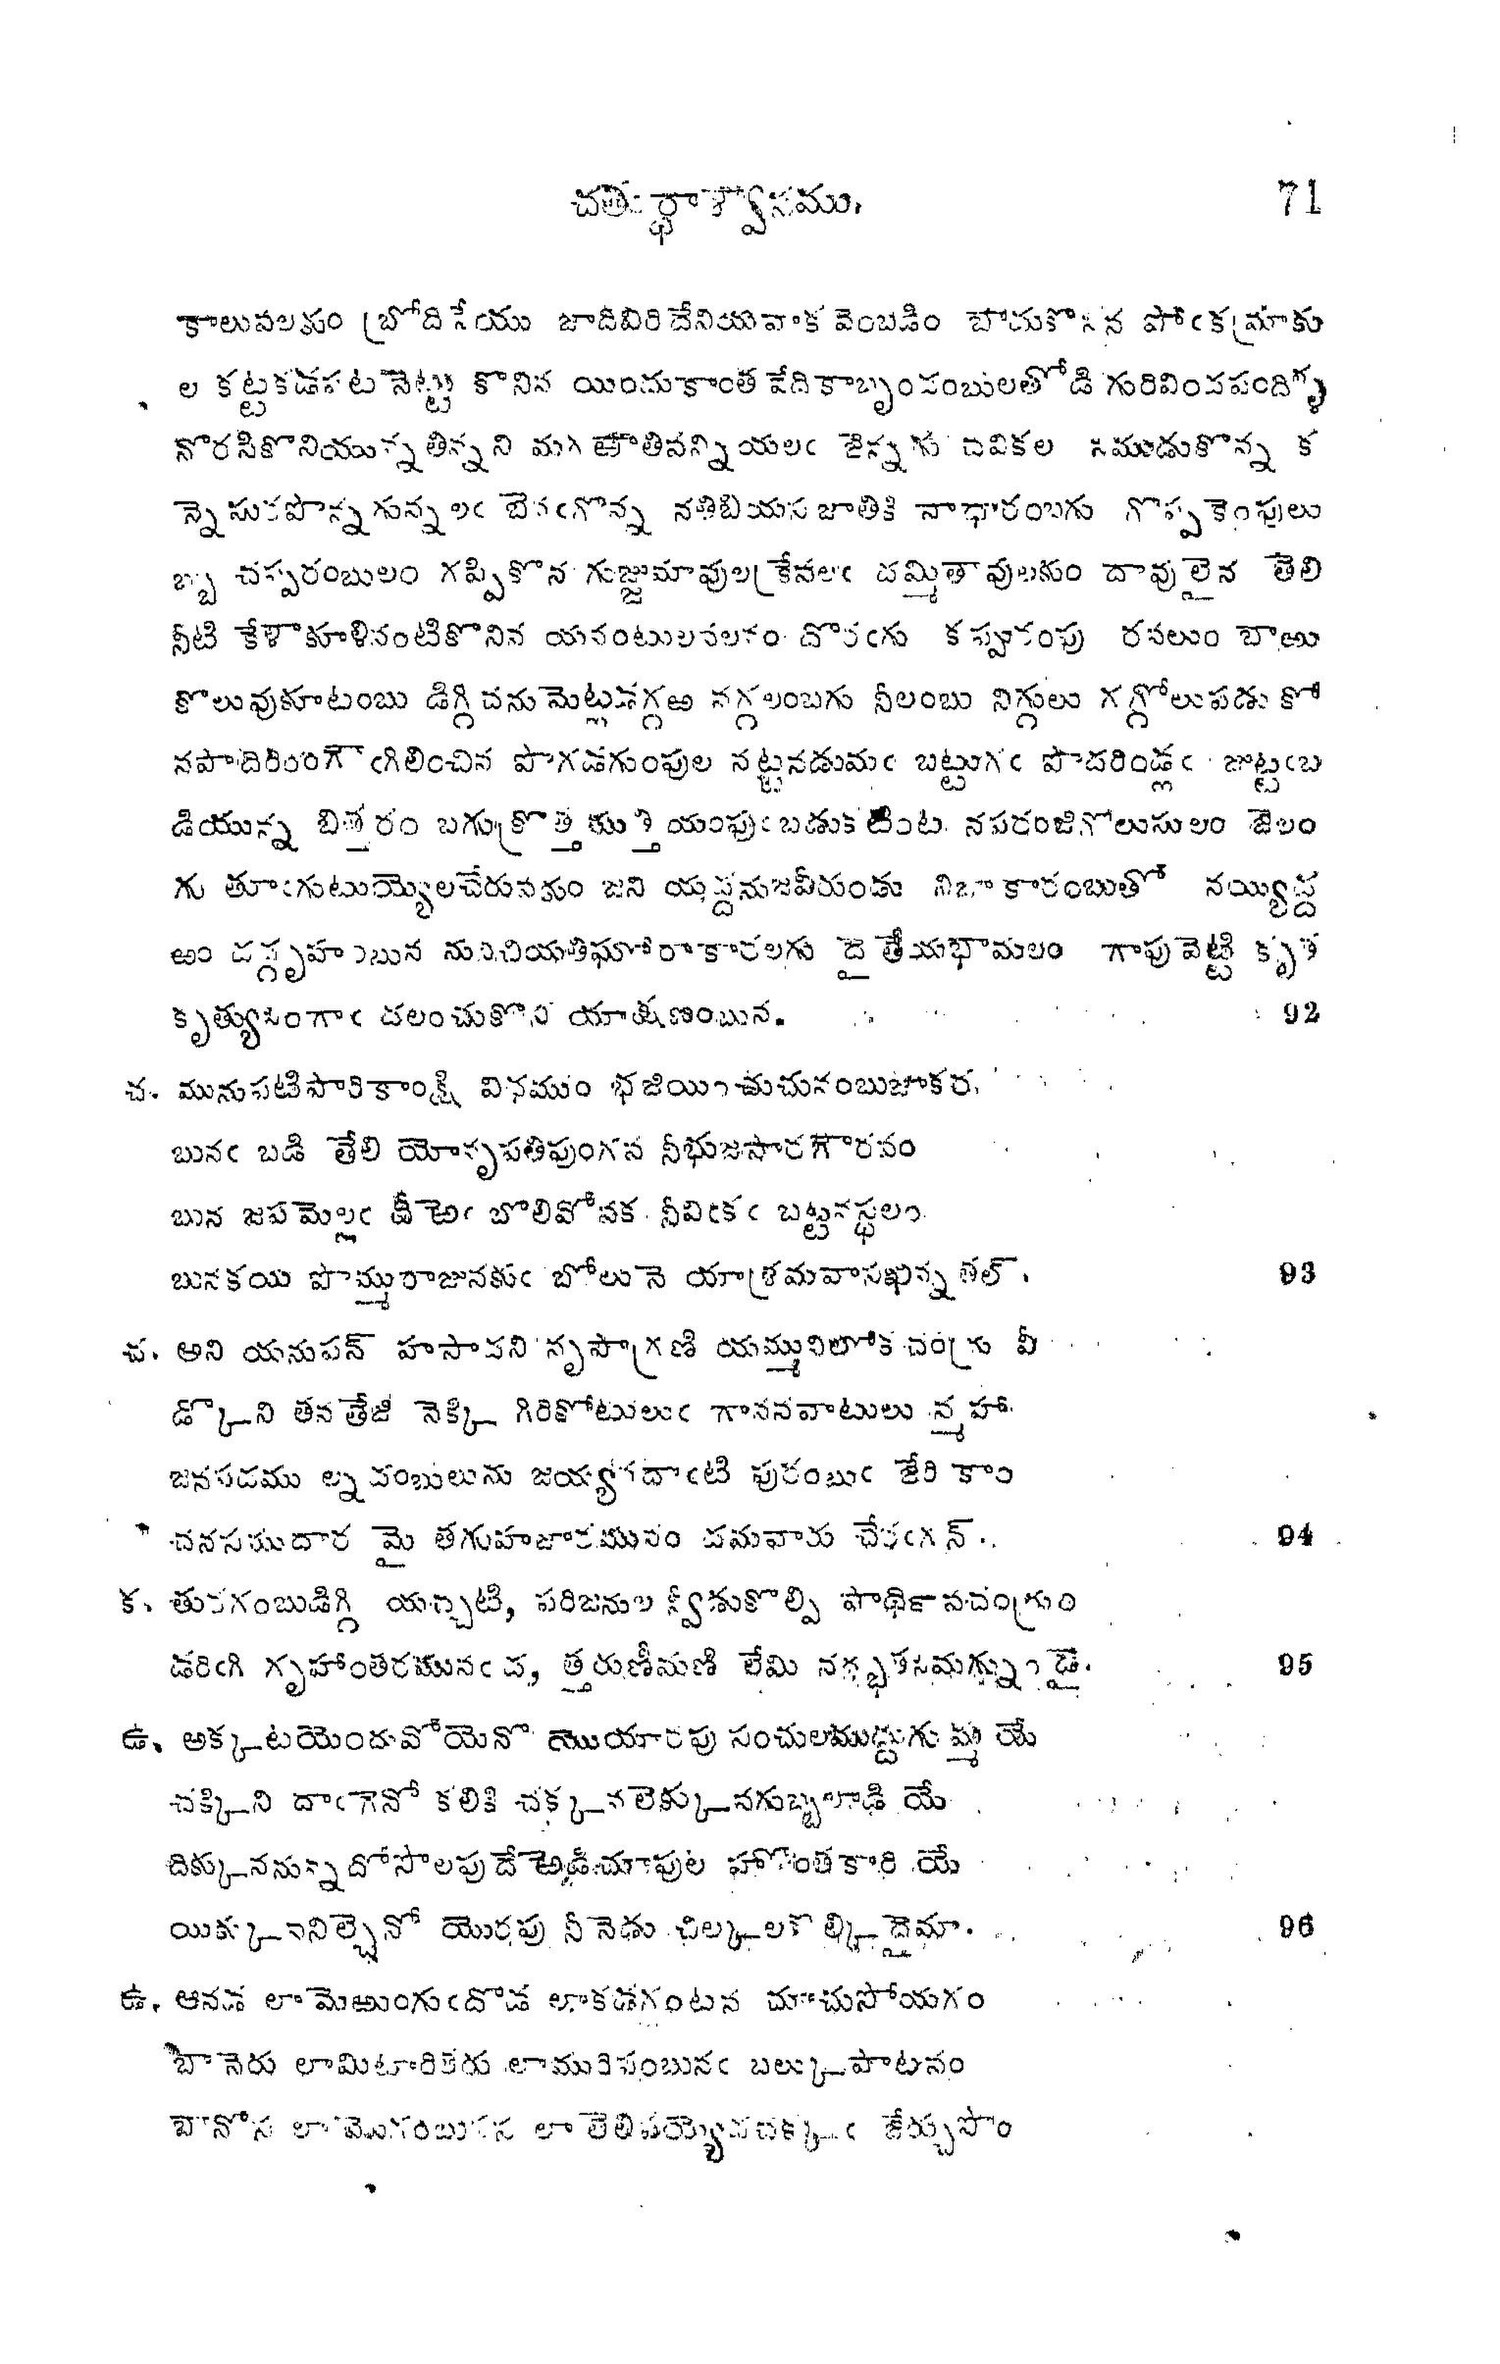కాలువలకుం బ్రోదిసేయు జాదివిరిదేనియవాకవెంబడిం బాదుకొసన పోఁకమ్రాకు
ల కట్టకడపట నెట్టుకొనిన యిందుకాంతవేదికాబృందంబులతోడి గురివిందపందిళ్ళ
నొరసికొనియున్న తిన్నని మగఱాతివన్నియలఁ జెన్నగు చవికల నిముడుకొన్న క
న్నెసురపొన్నగున్నలఁ బెనఁగొన్న నతిబియసజాతికి నాధారంబగు గొప్పకెంపు లు
బ్బు చప్పరంబులం గప్పికొన గుజ్జుమావులక్రేవలఁ దమ్మితావులకుం దావులైన తెలి
నీటికేళాకూళి నంటికొనిన యనంటులవలనం దొరఁగు కప్పురంపురవలుం బాఱు
కొలువుకూటంబు డిగ్గిచను మెట్లడగ్గఱ నగ్గలంబగు నీలంబు నిగ్గులు గగ్గోలుపడు కో
నపాదిరిం గౌఁగిలించిన పొగడగుంపుల నట్టనడుమఁ బట్టుగఁ పొదరిండ్లఁ జుట్టఁబ
డియున్న బిత్తరం బగు క్రొత్తముత్తియంపుఁబడుకటింట నపరంజిగొలుసులం జెలం
గు తూగుటుయ్యెలచేరునకుం జని యద్దనుజవీరుండు నిజాకారంబుతో నయ్యిద్ద
రం దద్గృహంబున నునిచి యతిఘోరాకారులగు దైతేయభామలం గాపువెట్టి కృత
కృత్యునింగాఁ దలంచుకొని యాక్షణంబున.
చ. మునుపటిసారి కాంక్షి విధముం భజియించుచు నంబుజాకరె
బునఁ బడి తేలి యోనృపతిపుంగవ నీభుజసారగౌరవం
బున జప మెల్లఁ దీఱెఁ బొలివొవక నీవిఁకఁ బట్టనస్థలం
బునకయి పొమ్ము రాజునకుఁ బోలునె యాశ్రమవాసఖిన్ననల్.
చ. అని యనుపన్ హసాదని నృసాగ్రణి యమ్మునిలోకచంద్రు వీ
డ్కొని తన తేజి నెక్కి గిరికోటులుఁ గాననవాటులు న్మహా
జనపదము ల్నదంబులును జయ్యన దాఁటి పురంబుఁ జేరి కాం
చనసముదారమై తగుహజారమునం దమవారు చేరఁగన్.
క. తురగంబు డిగ్గి యచ్చటి, పరిజనుల న్వీడుకొల్పి పార్థివచంద్రుం
డరిఁగి గృహాంతరమునఁ ద, త్తరుణీమణి లేమి నద్భుతనిమగ్నుండై.
ఉ. అక్కట యెందు వోయెనొ యొయారపుసంచులముద్దుగుమ్మ యే
చక్కిని దాఁ గెనో కలికి చక్కవలెక్కువగుబ్బలాడి యే
దిక్కున నున్నదో సొలపు దేఱెడి చూపుల హొంతకారి యే
యిక్కన నిల్చెనో యొరపు నీనెడు చిల్కలకొల్కి దైవమా.
ఉ. ఆనడ లామెఱుంగుఁదొడ లాకడగంటన చూచుసోయగం
బానెరు లామిటారికరు లామురిపంబునఁ బల్కుపాటనం
బానొస లామొగంబుపస లాతెలిపయ్యెద చక్కఁజేర్చుసొం